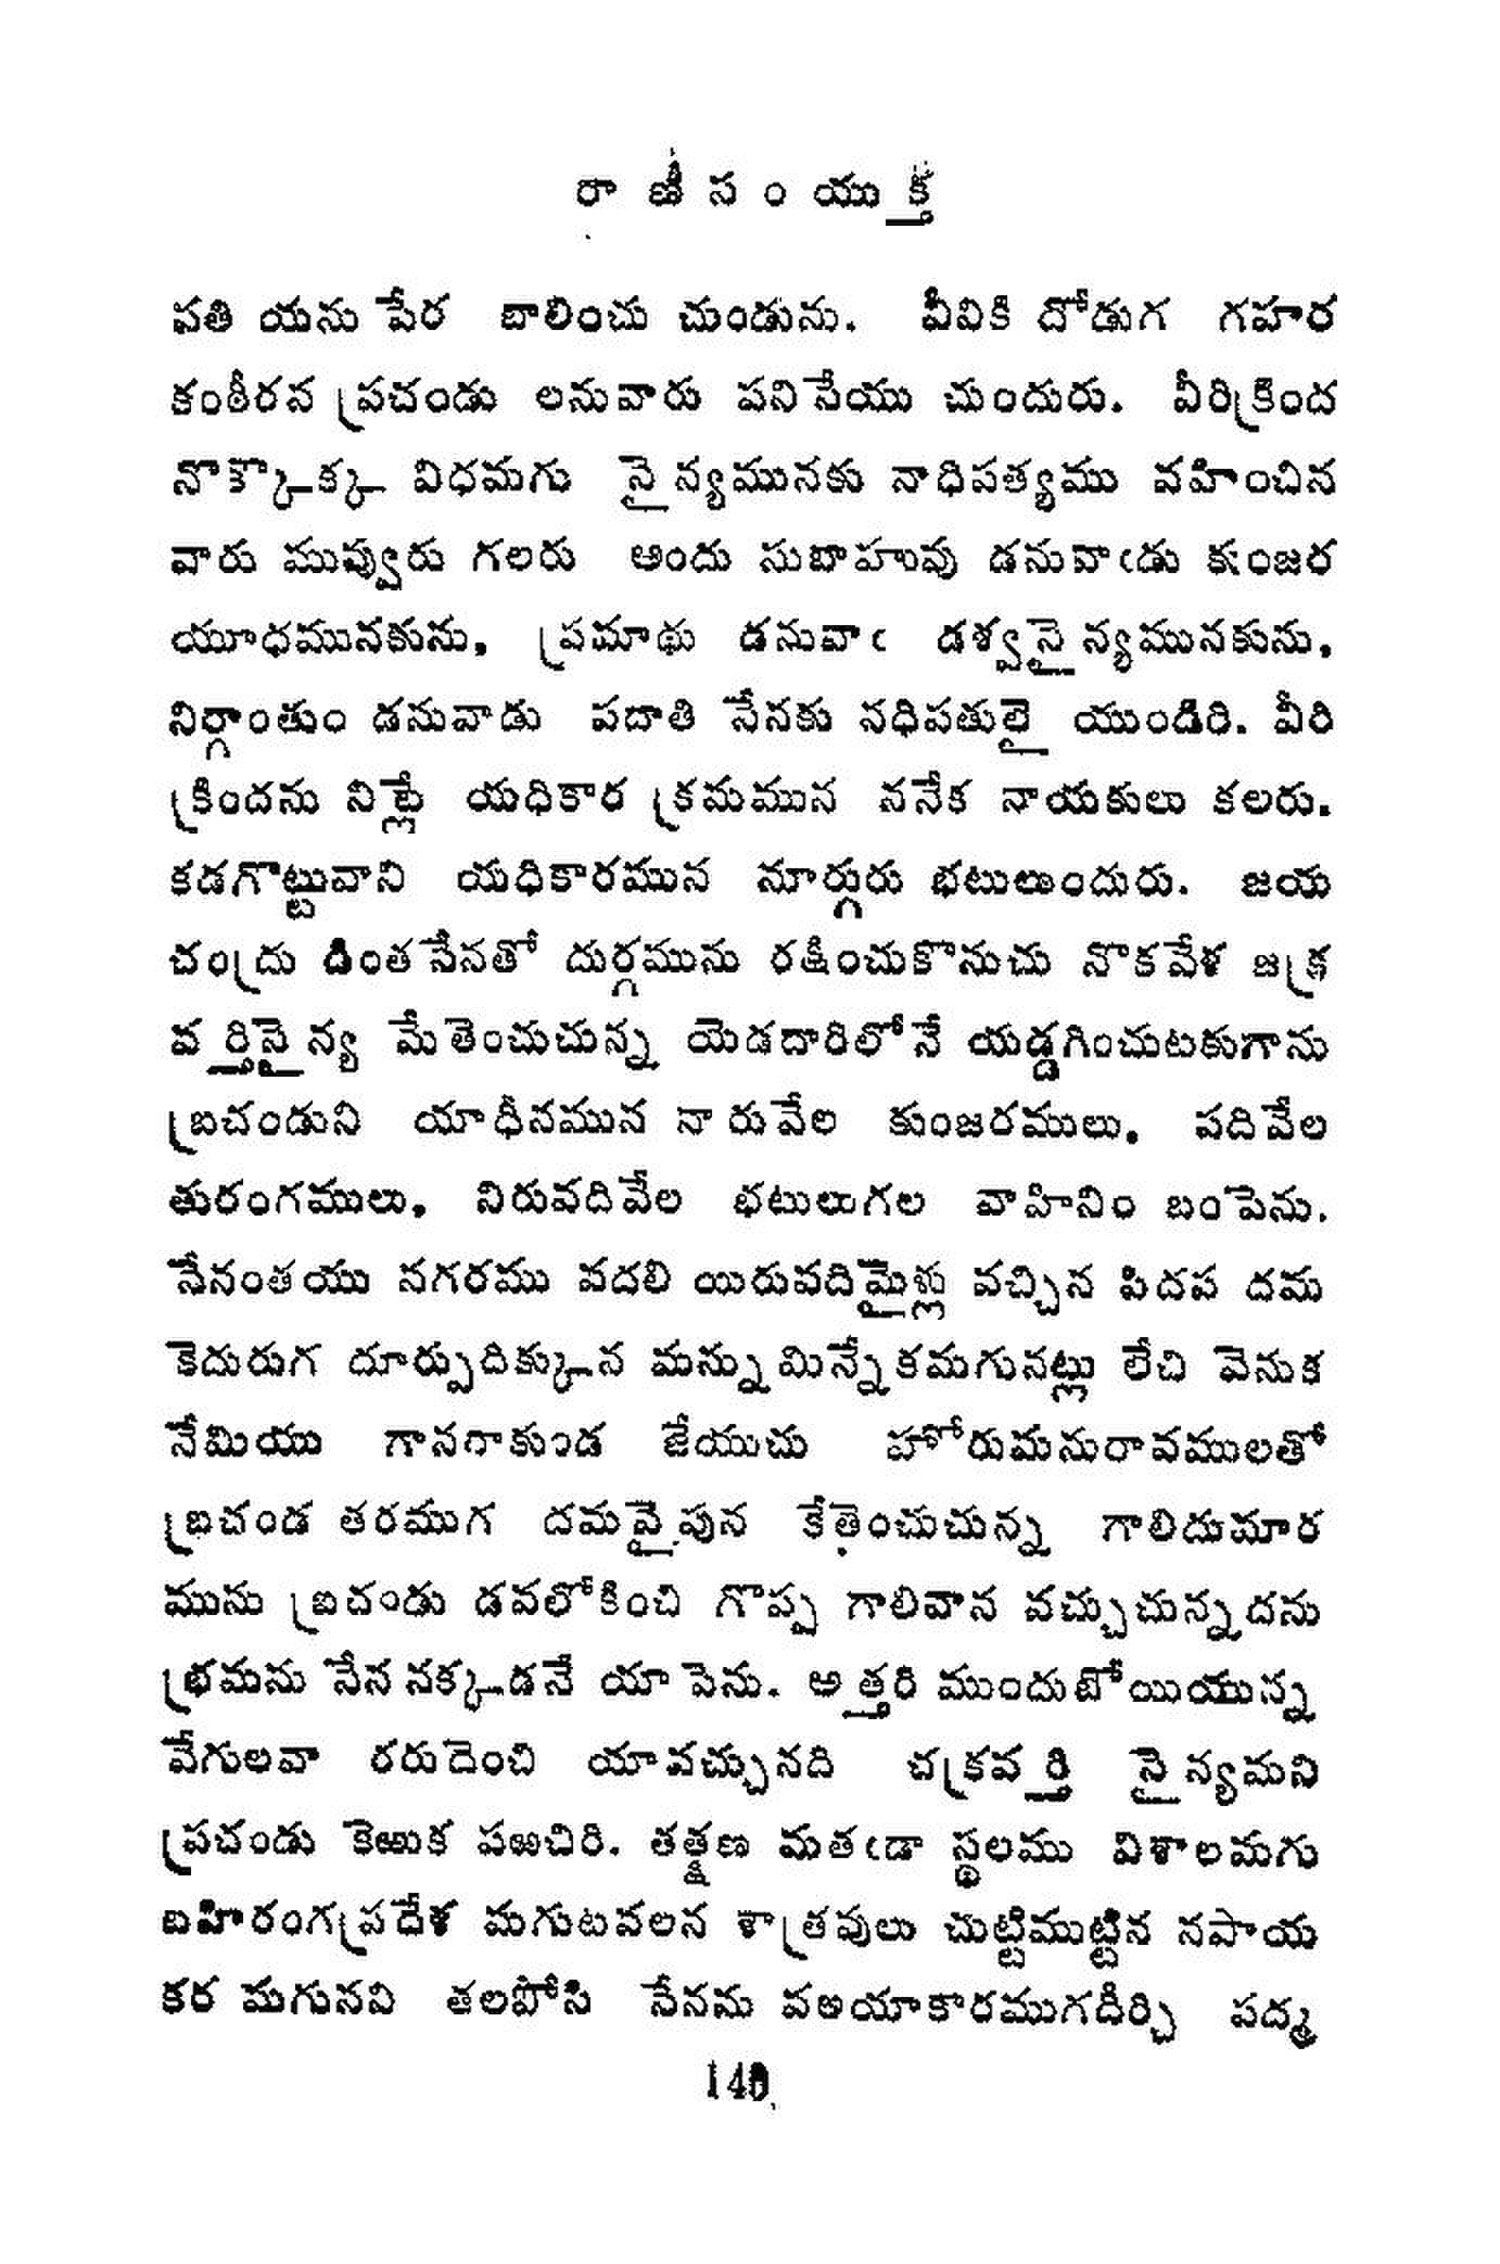పతి యను పేర బాలించు చుండును. వీనికి దోడుగ గహర కంఠీరవ ప్రచండు లనువారు పనిసేయు చుందురు. వీరిక్రింద నొక్కొక్క విధమగు సైన్యమునకు నాధిపత్యము వహించిన వారు మువ్వురు గలరు అందు సుబాహువు డనువాఁడు కుంజర యూధమునకును, ప్రమాథు డనువాఁ డశ్వసైన్యమునకును, నిర్గాంతుం డనువాడు పదాతి సేనకు నధిపతులై యుండిరి. వీరి క్రిందను నిట్లే యధికార క్రమమున ననేక నాయకులు కలరు. కడగొట్టువాని యధికారమున నూర్గురు భటులుందురు. జయచంద్రు డింతసేనతో దుర్గమును రక్షించుకొనుచు నొకవేళ జక్రవర్తిసైన్య మేతెంచుచున్న యెడదారిలోనే యడ్డగించుటకు గాను బ్రచండుని యాధీనమున నారువేల కుంజరములు. పదివేల తురంగములు, నిరువదివేల భటులుగల వాహినిం బంపెను. సేనంతయు నగరము వదలి యిరువదిమైళ్లు వచ్చిన పిదప దమ కెదురుగ దూర్పుదిక్కున మన్ను మిన్నేకమగునట్లు లేచి వెనుక నేమియు గానరాకుండ జేయుచు హోరుమనురావములతో బ్రచండ తరముగ దమవైపున కేతెంచుచున్న గాలిదుమారమును బ్రచండు డవలోకించి గొప్ప గాలివాన వచ్చుచున్నదను భ్రమను సేననక్కడనే యా పెను. అత్తరి ముందుబోయియున్న వేగులవా రరుదెంచి యావచ్చునది చక్రవర్తి సైన్యమని ప్రచండు కెఱుక పఱచిరి. తత్క్షణ మతఁడా స్థలము విశాలమగు బహిరంగప్రదేశ మగుటవలన శాత్రవులు చుట్టిముట్టిన నపాయకర మగునని తలపోసి సేనను వలయాకారముగదీర్చి పద్మ